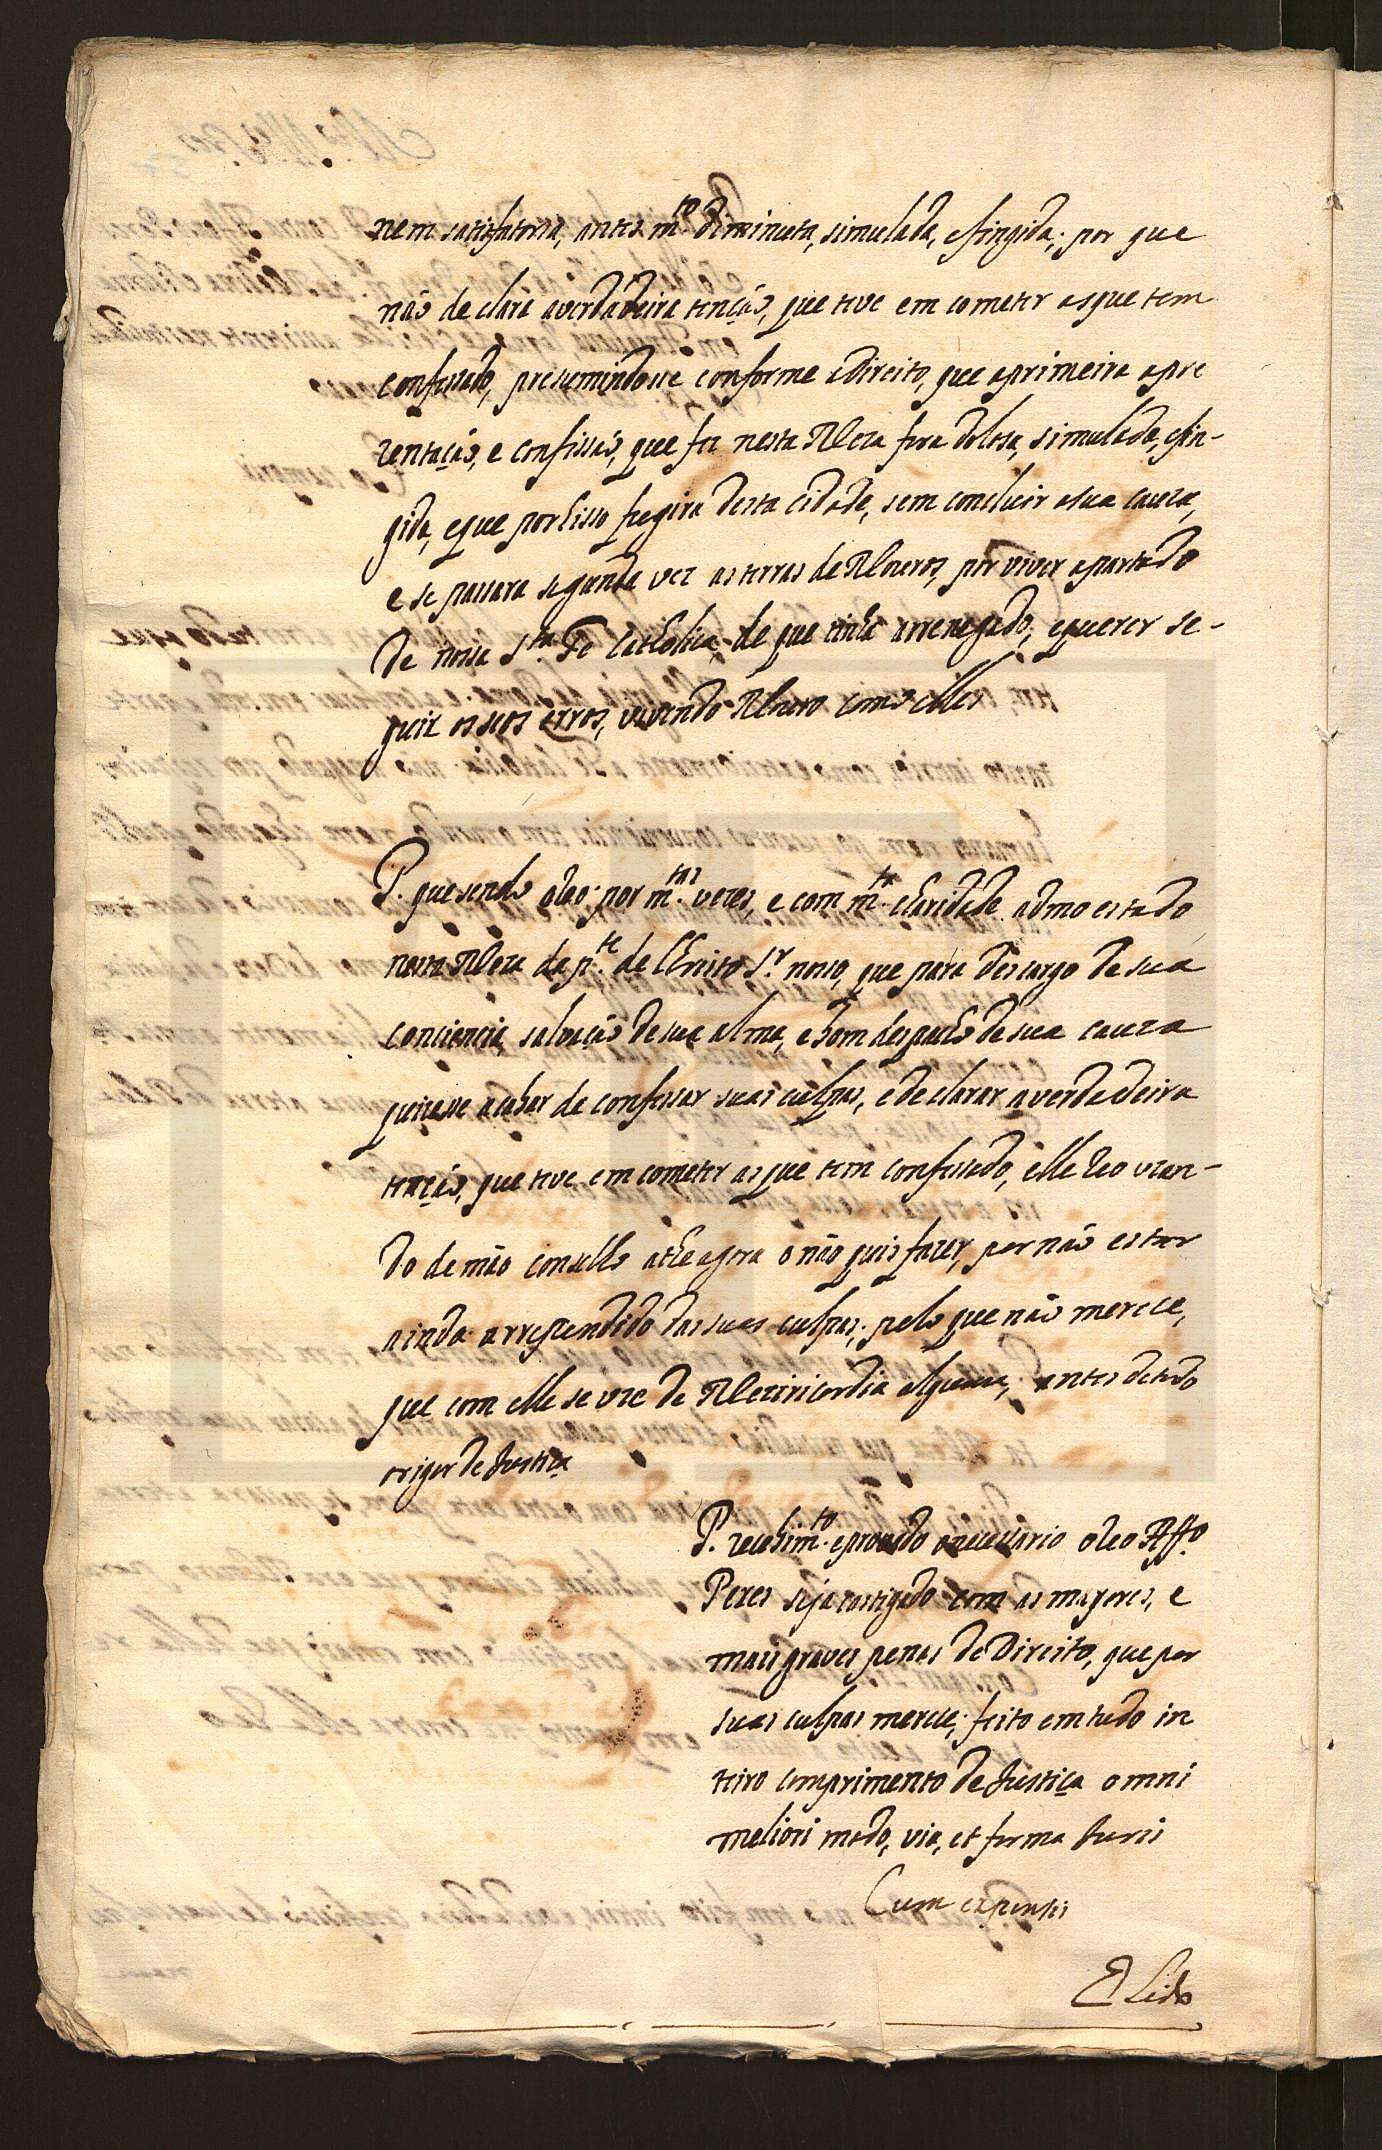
nem satifatoria, antes m.to diminuta, simulada, e fingida; por que
naõ declara a verdadeira tençaõ, que teve em cometer as que tem
confessado, presumendosse conforme o direito, que a primeira apre
zentaçaõ, e confissaõ, que fez nesta Meza fora dolosa, simulada, e fin
gida, e que por hisso fugira desta cidade, sem concluir a sua cauza,
e se passara segunda vez as terras de Mouros, por viver apartado
de nossa s.ta Fe catholica, de que tinha arrenegado, e querer se
guir os seos erros, vivendo Mouro como elles
P. que sendo o Reo por m.tas vezes, e com m.ta charidade admoestado
nesta Meza da p.te de Christo s.r nosso, que para descargo de sua
conciencia, salvaçaõ de sua alma, e bom despacho de sua cauza
quizesse acabar de confessar suas culpas, e declarar a verdadeira
tenção, que teve em cometer as que tem confessado, elle Reo vzan
do de máo conselho athe agora o não quis fazer, por naõ estar
ainda arrependido das suas culpas; pelo que naõ merece,
que com elle se uze de Meziricordia alguma, antes de todo
o rigor de Iustiça
P. recebim.to e provado o necessario o Reo Aff.o
Peres seja castigado com as mayores, e
mais graves penas de Direito, que por
suas culpas merece; feito em tudo in
teiro comprimento de Iustiça omni
meliori modo, via, et forma Iuris
Cum expensis
E lido
